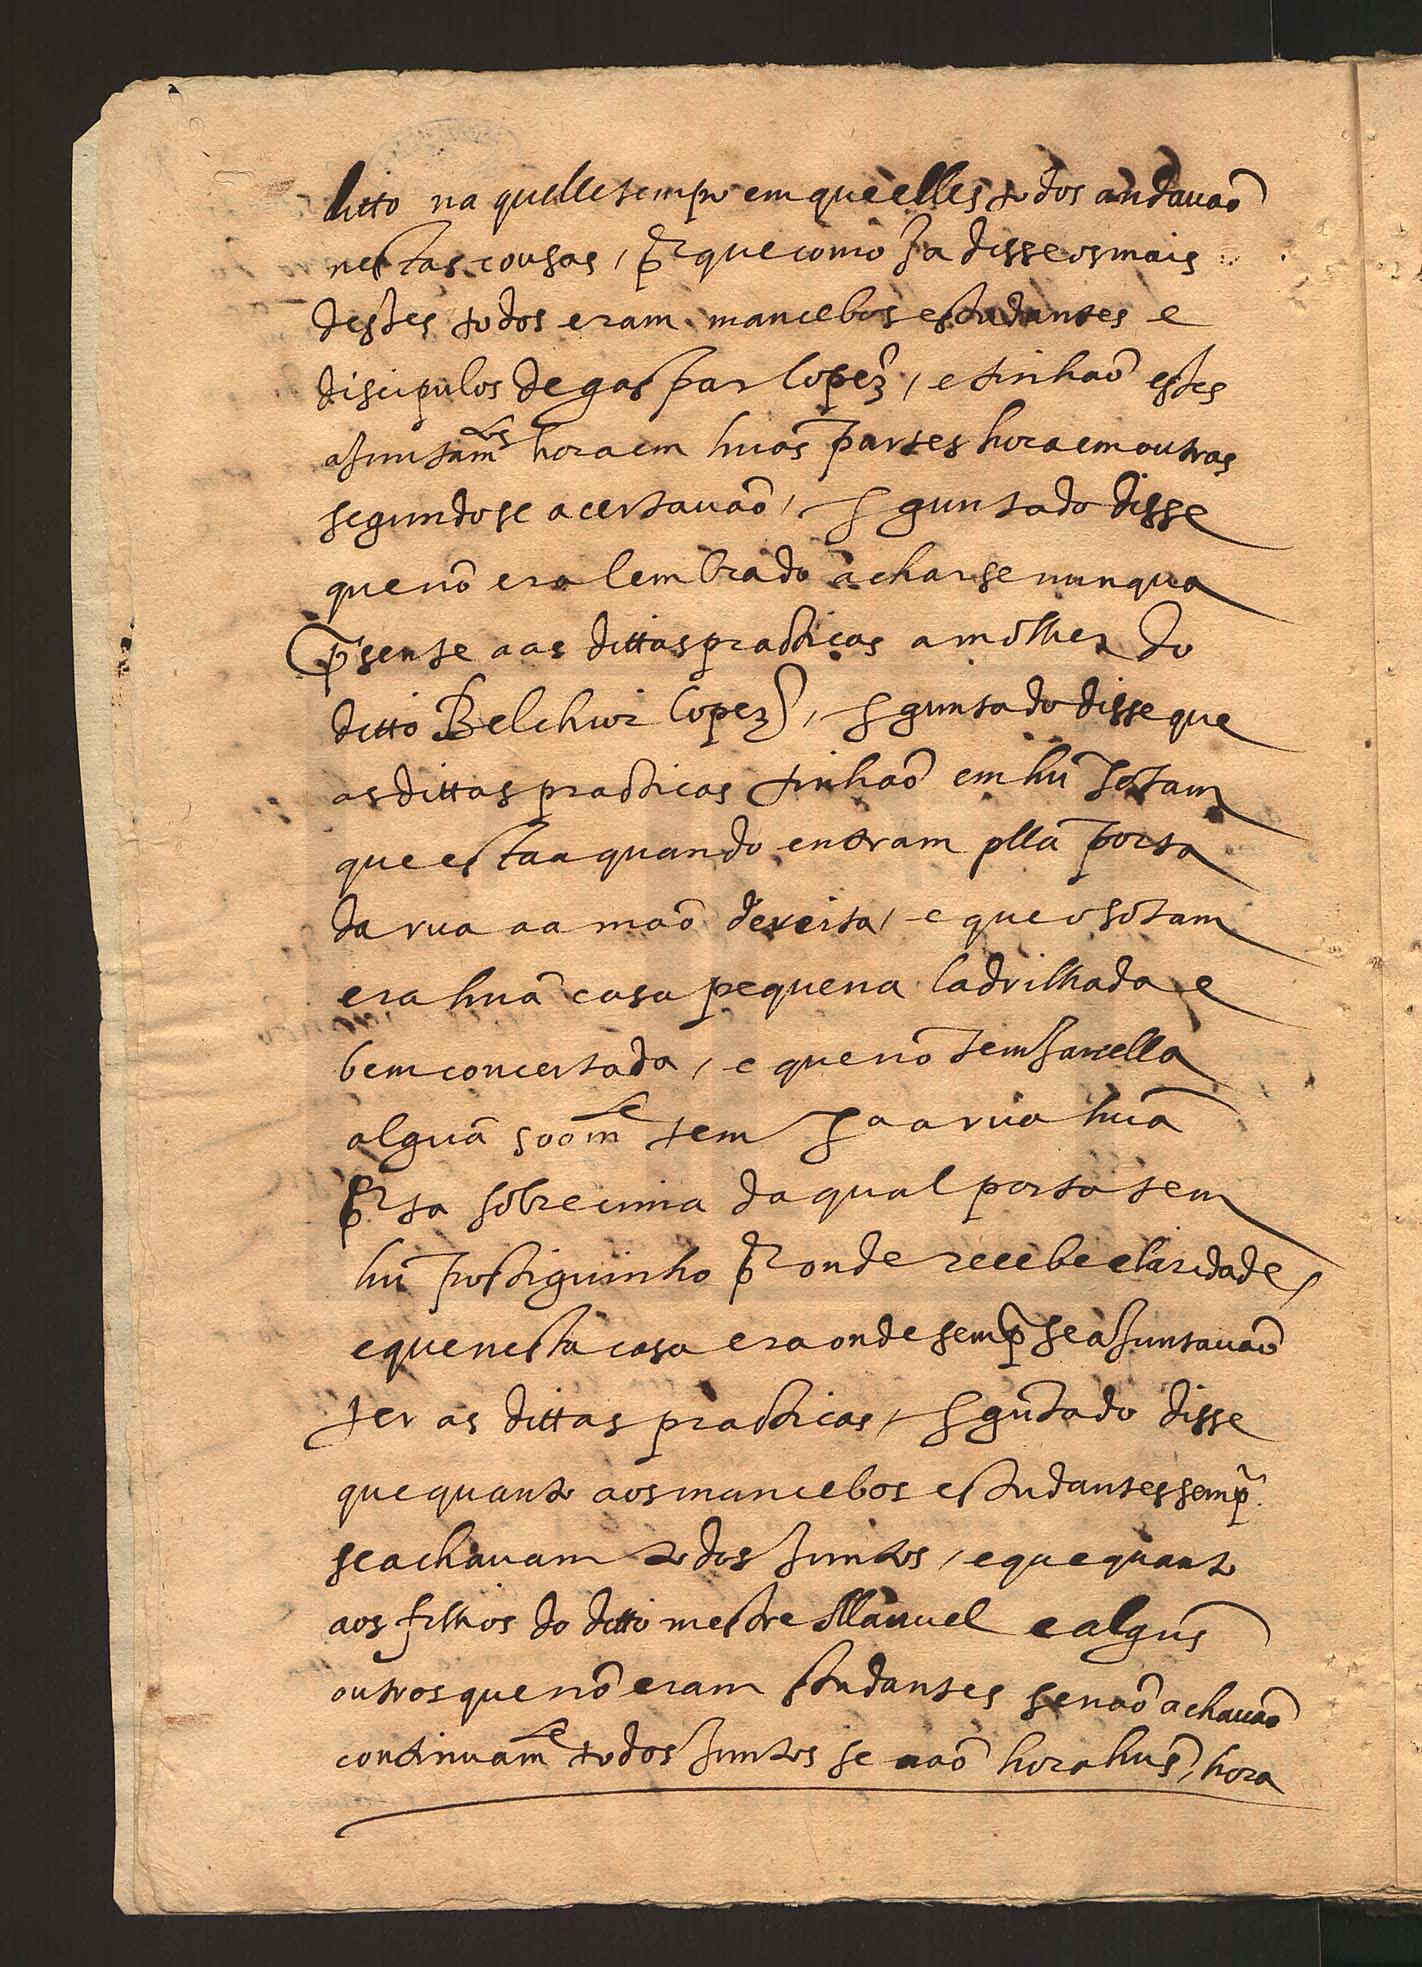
ditto naquelle tempo em que elles todos andauaõ
nestas cousas / pr que como Ja disse os mais
destes todos eram mancebos estudantes e
discipulos de gaspar lopez̄ / e tinhaõ estes
aJuntamtos hora em huās partes hora em outras
segundo se acertauão / ꝑguntado disse
que nō era lembrado acharse nunqua
p̄sente aas dittas practicas a mulher do
ditto Belchior lopez̄ / ꝑguntado disse que
as dittas practicas tinhaõ em hū sotam
que estaa quando entram pllā porta
da rua aa maõ dereita / e que o sotam
era huā casa pequena ladrilhada e
bem concertada / e que nō tem Janella
alguā soomte tem ꝑa a rua huā
prta sobre cima da qual porta tem
hū postiguinho pr onde recebe claridade/
e que nesta casa era onde semp̄ se aJuntauão
ter as dittas practicas / ꝑgūtado disse
que quanto aos mancebos estudantes sempr
se achauam todos Juntos / e que quanto
aos filhos do ditto mestre Manuel e algus̄
outros que nō eram studantes senaõ achauão
continuamte todos Juntos se naõ hora hus̄ / hora
